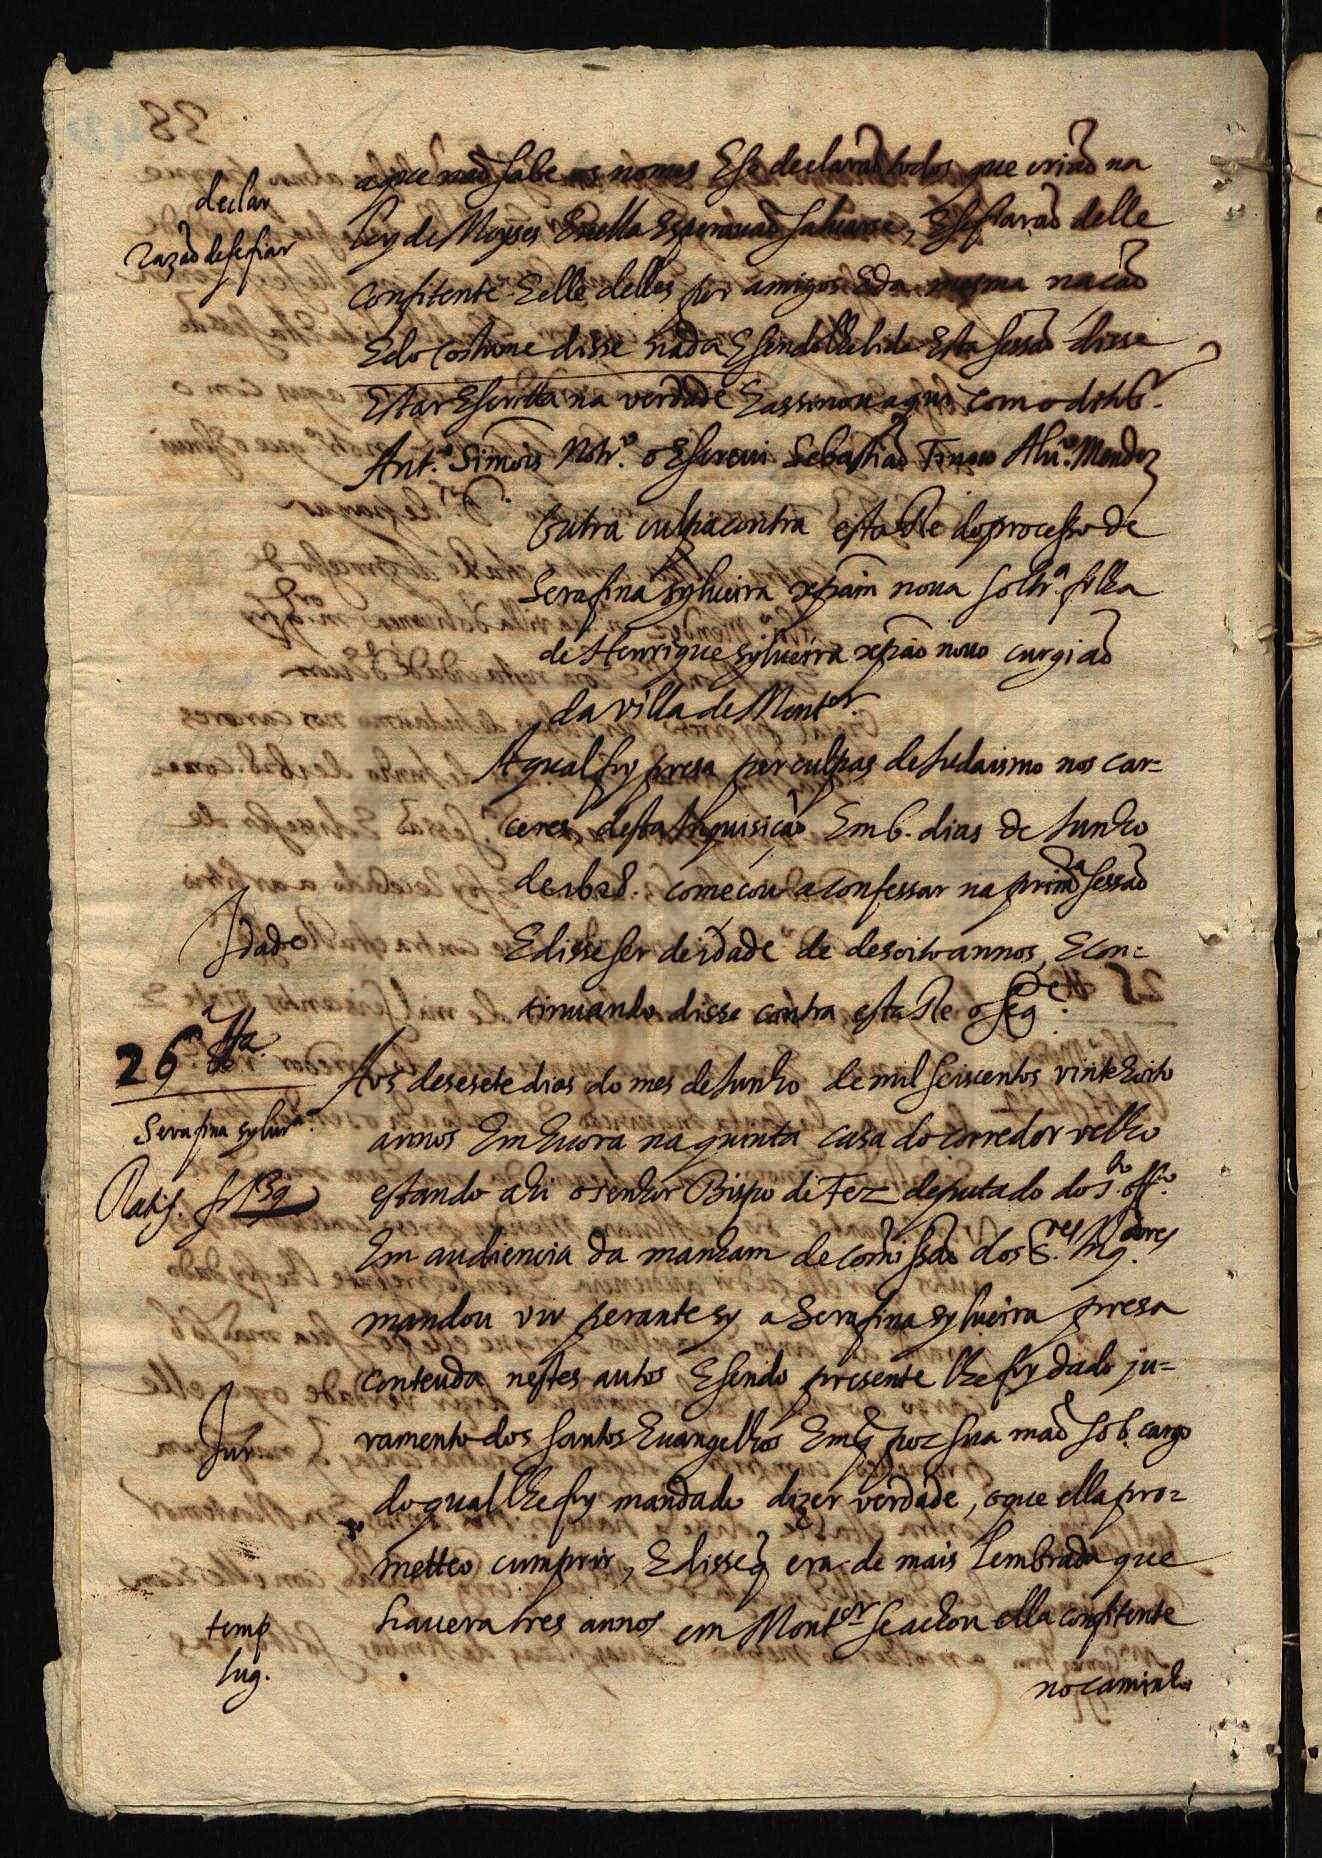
declar
razaõ de se fiar
Jdade
26a tta.
Serafina sylura.
Ratif. fol 39
Jur.
temp
lug.
a que naõ sabe os nomes E se declaraõ todos que criaõ na
ley de Moyses E nella Esperauaõ saluarse, E se fiaraõ delle
confitente E elle delles por amigos E da mesma naçaõ
E do costume disse nada E sendolhe lida Esta sessaõ disse
Estar Escritta na verdade E assinou aqui com o dito sr.
Ant.o Simoĩs Notr.o o Escreui Sebastiaõ Tinoso Alu.o Mendez
Outra culpa contra esta Re do processo de
Serafina sylueira xpām noua soltra filha
de Henrique sylueira xpão nouo curgiaõ
da villa de Montor.
A qual foy presa per culpas de Iudaismo nos car
ceres desta Inquisição Em 6. dias de Iunho
de 1628. começou a confessar na primra sessão
E disse ser de idade de desoito annos, E con
tinuando disse contra esta Re o segte:
Aos desesete dias do mes de Iunho de mil seiscentos vinte E oito
annos Em Euora na quinta casa do corredor velho
estando ahi o senhor Bispo de Fez deputado do s.to off.o
Em audiencia da manham de comissão dos s.res Inq.dores
mandou vir perante sy a Serafina sylueira presa
conteuda nestes autos E sendo presente lhe foy dado ju
ramento dos Santos Euangelhos Em q̄ poz sua maõ sob cargo
do qual lhe foy mandado dizer verdade, o que ella pro
metteo cumprir, E disse q̄ era de mais lembrada que
hauera tres annos em Mont.or se achou ella confitente
no caminho
